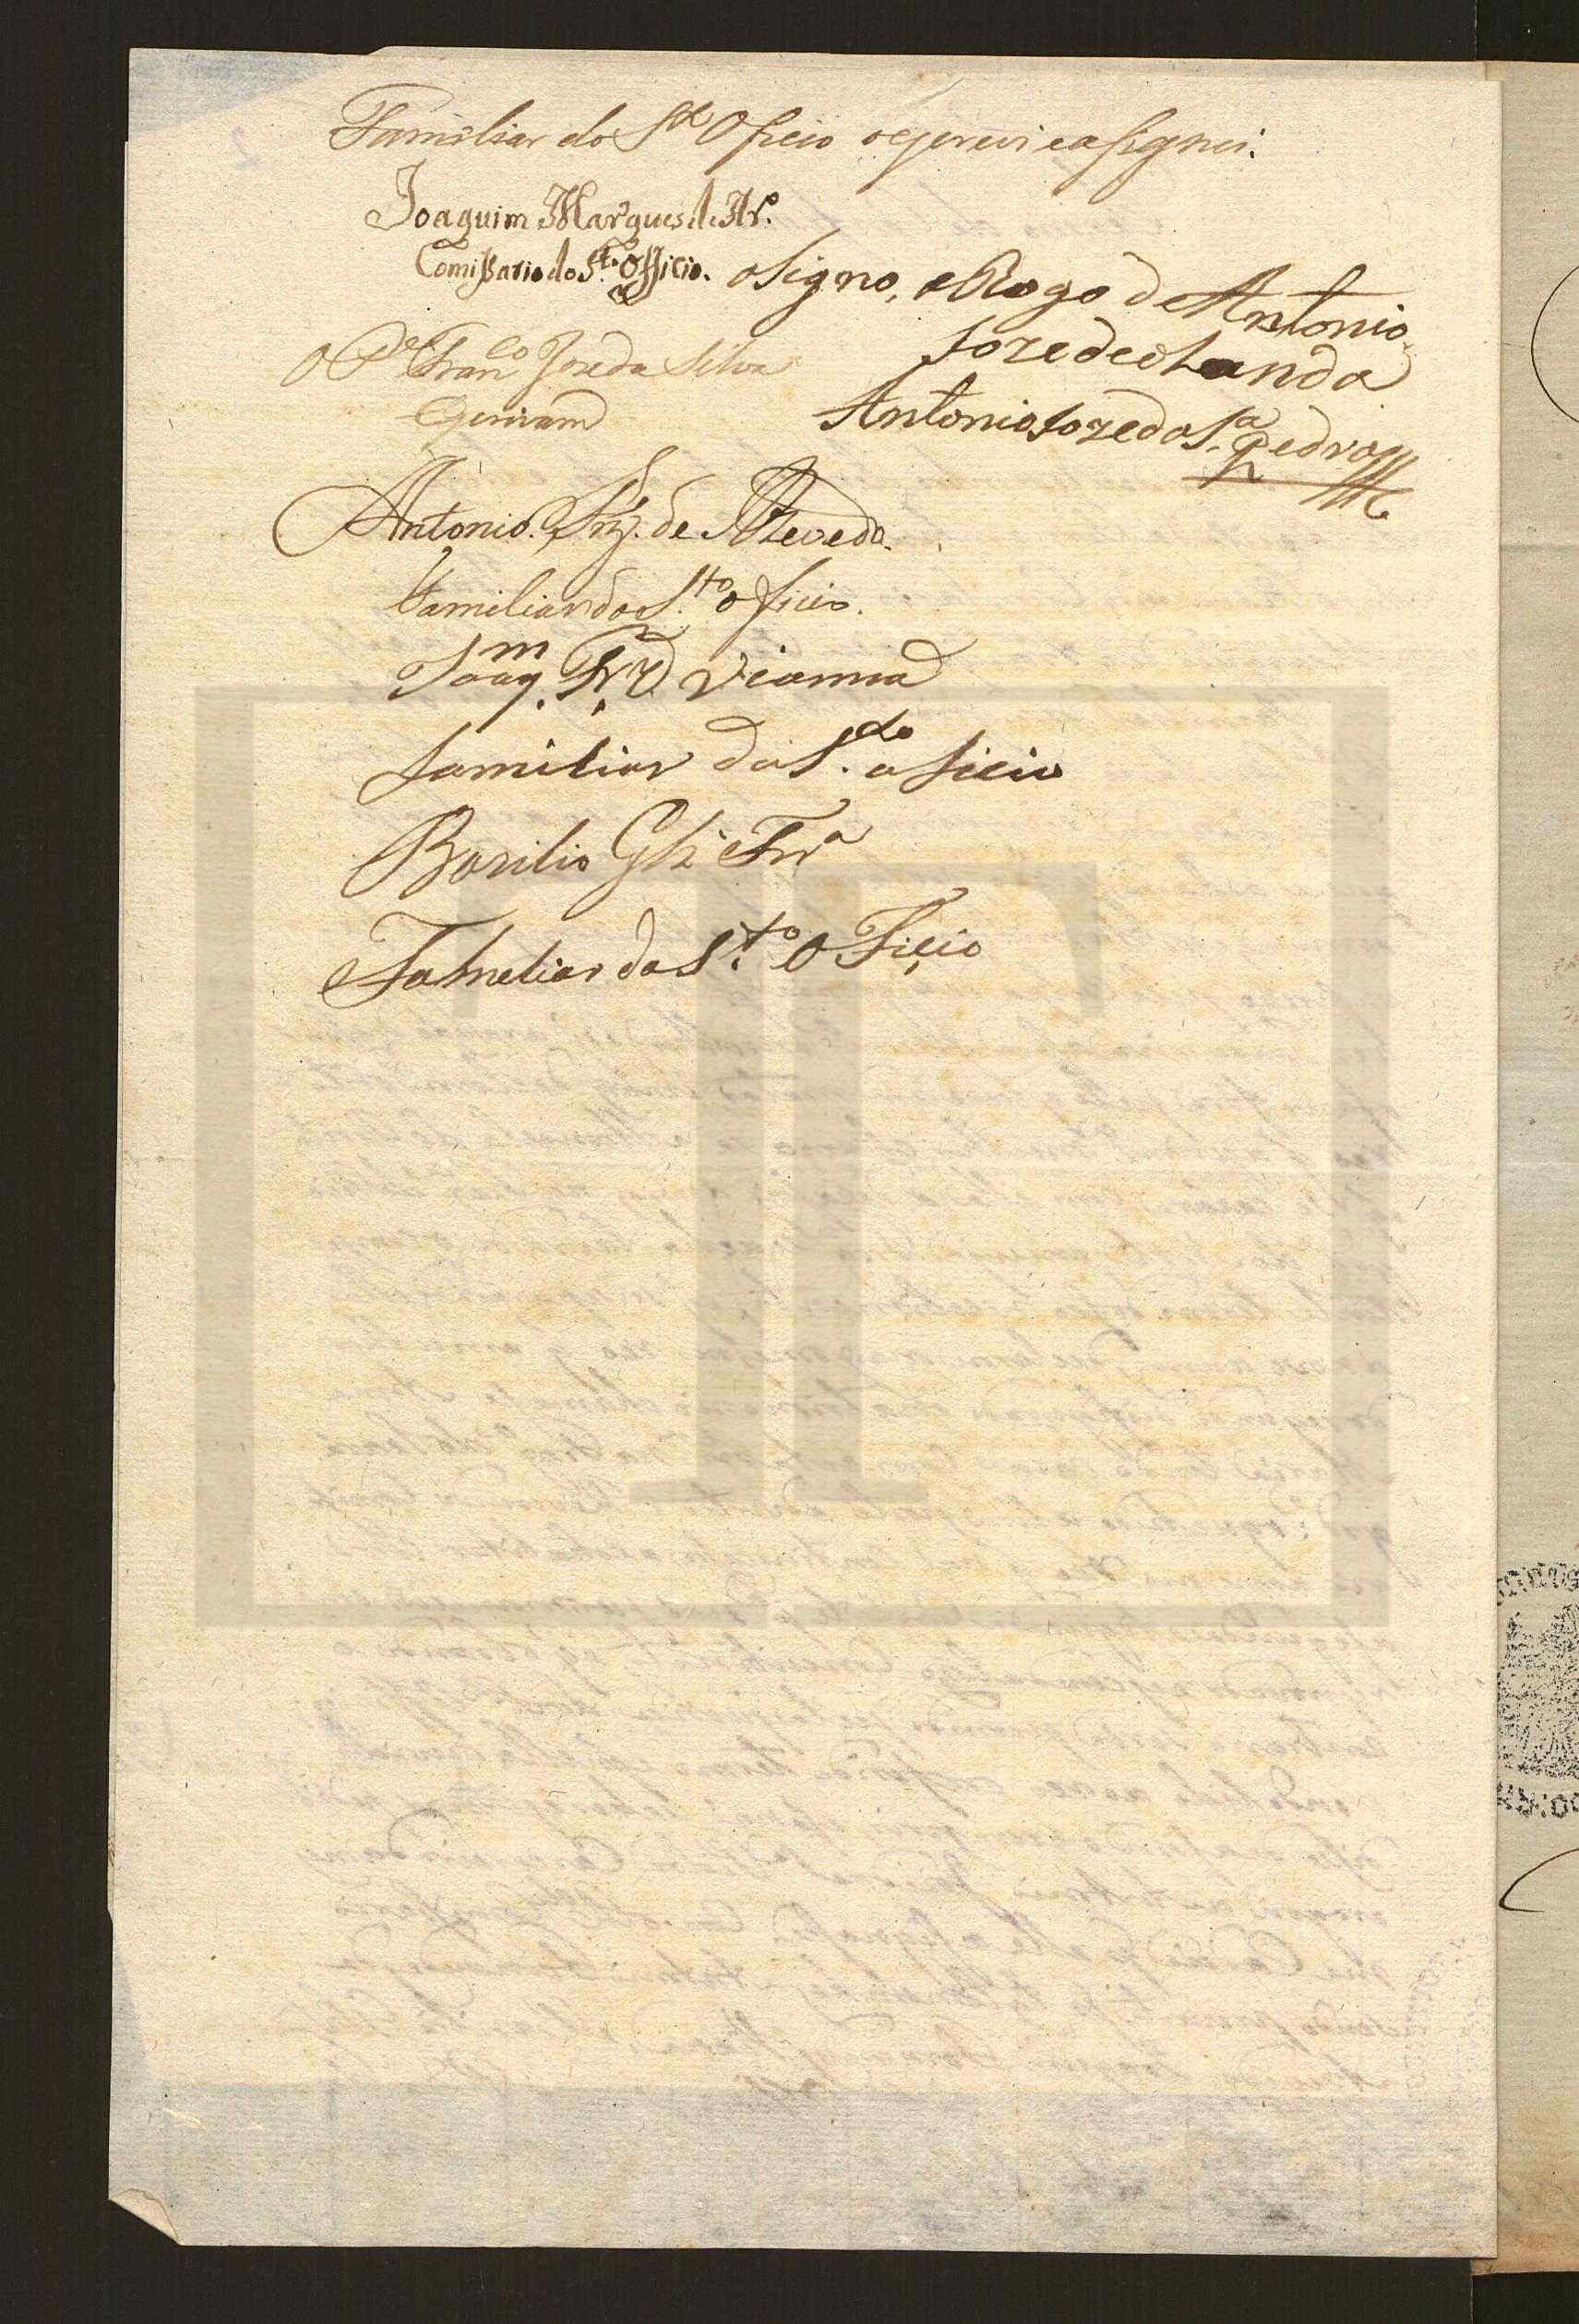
Familiar do S.to Oficio o escrevi e asignei.
Ioaquim Marques de Ar.o
Comissario do S.to Officio.
asigno, a Rogo de Antonio
Ioze de oLanda
O P.e Fran.co Joze da Silva
Antonio Ioze da S.a pedra
Escrivam
Antonio Frz̄ de Azevedo
Familiar do S.to oficio.
Ioaqm. Frz Vianna
familiar do s.to oficio
Bazilio Glz̄ Frra
Fameliar do S.to oFicio
